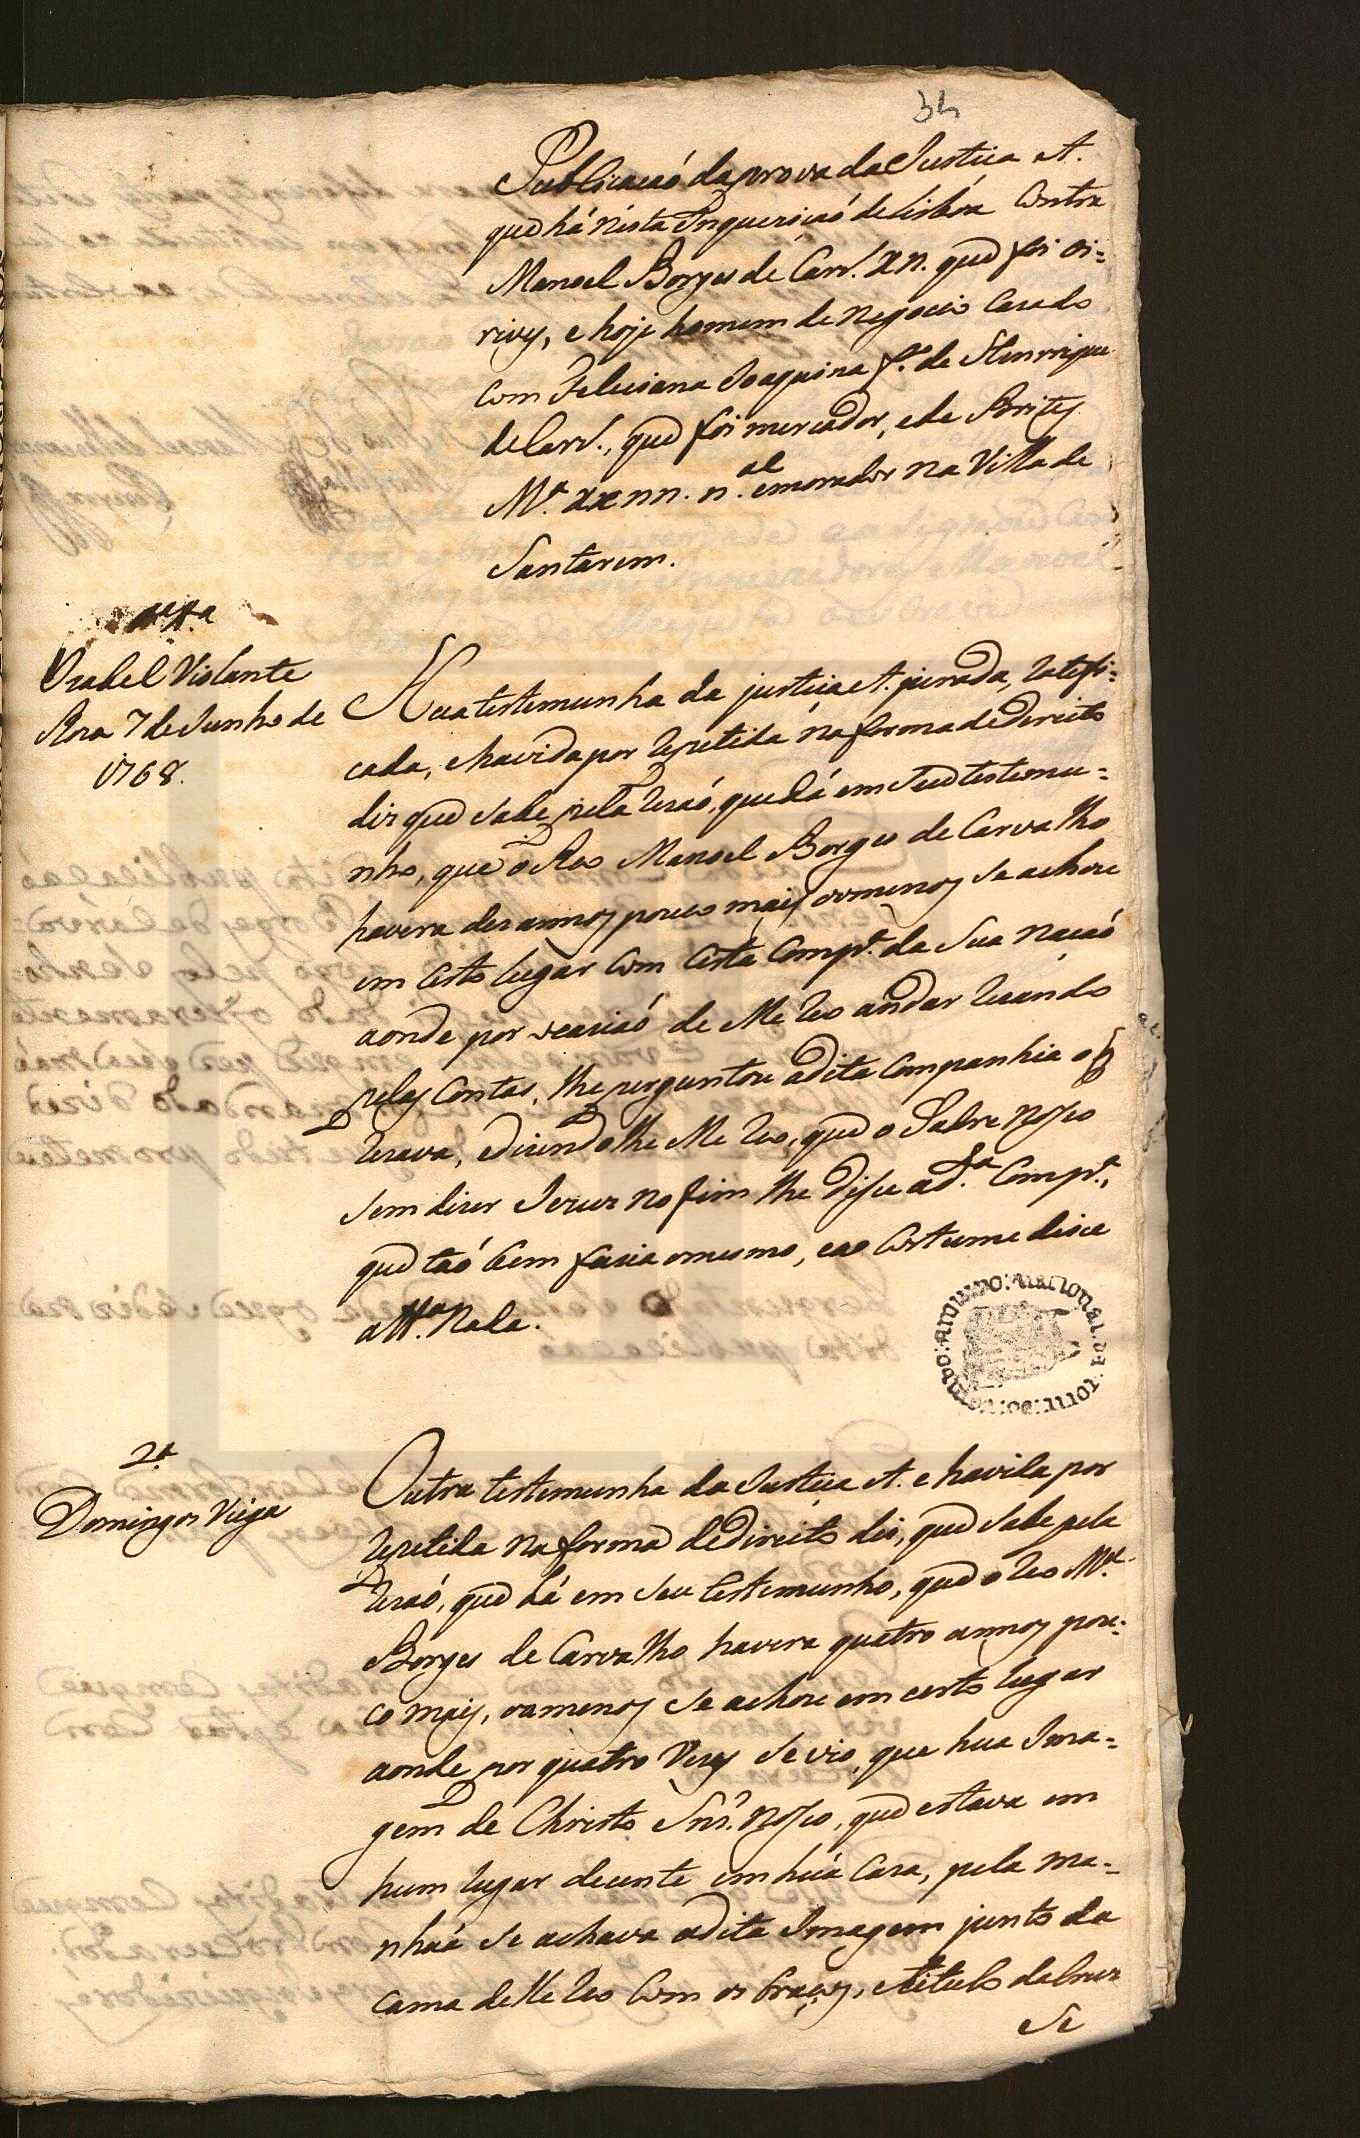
Publicaçaõ da prova da Iustiça A.
que há nesta Inquiziçaõ de Lisboa Contra
Manoel Borges de Carv.o x n. que foi oi
rives, e hoje homem de negocio cazado
com Feliciana Ioaquina f.a de Henrrique
de Carv̄. que foi mercador, e de Brites
M.a xx nn. n.al e morador na Villa de
Santarem.
1a tt.a
Izabel Violante
Roza 7 de Iunho de
i768.
Hua testemunha da justica A. jurada, Ratifi
cada, e havida por Repetida na forma de direito
diz que sabe pela Rezaõ, que dá em seu testemu
nho, que o Reo Manoel Borges de Carvalho
havera des annos pouco mais o menos se achou
em certo lugar com certa comp.a da sua naçaõ
aonde por ocaziaõ de elle Reo andar Rezando
pelas Contas, lhe perguntou a dita Companhia o q̄
Rezava, e dizendolhe elle Reo, que o Padre nosso
sem dizer Iezus no fim lhe disse a d.ta Comp.a,
que taõbem fazia o mesmo, e ao Costume disce
a tt.a Nada.
2.a
Domingos Veiga
Outra testemunha da Iustiça A. e havida por
Repetida na forma de direito dis, que sabe pela
Rezaõ, que há em seu testemunho, que o Reo M.e
Borges de Carvalho havera quatro annos pou
co mais, ou menos se achou em certo lugar
aonde por quatro Vezes se vio, que hua Ima
gem de Christo Snr̄. nosso, que estava em
hum lugar decente em huā caza, pela ma
nhaã se achava a dita Imagem junto da
cama delle Reo Com os braços, e titulo da Crus
Se
